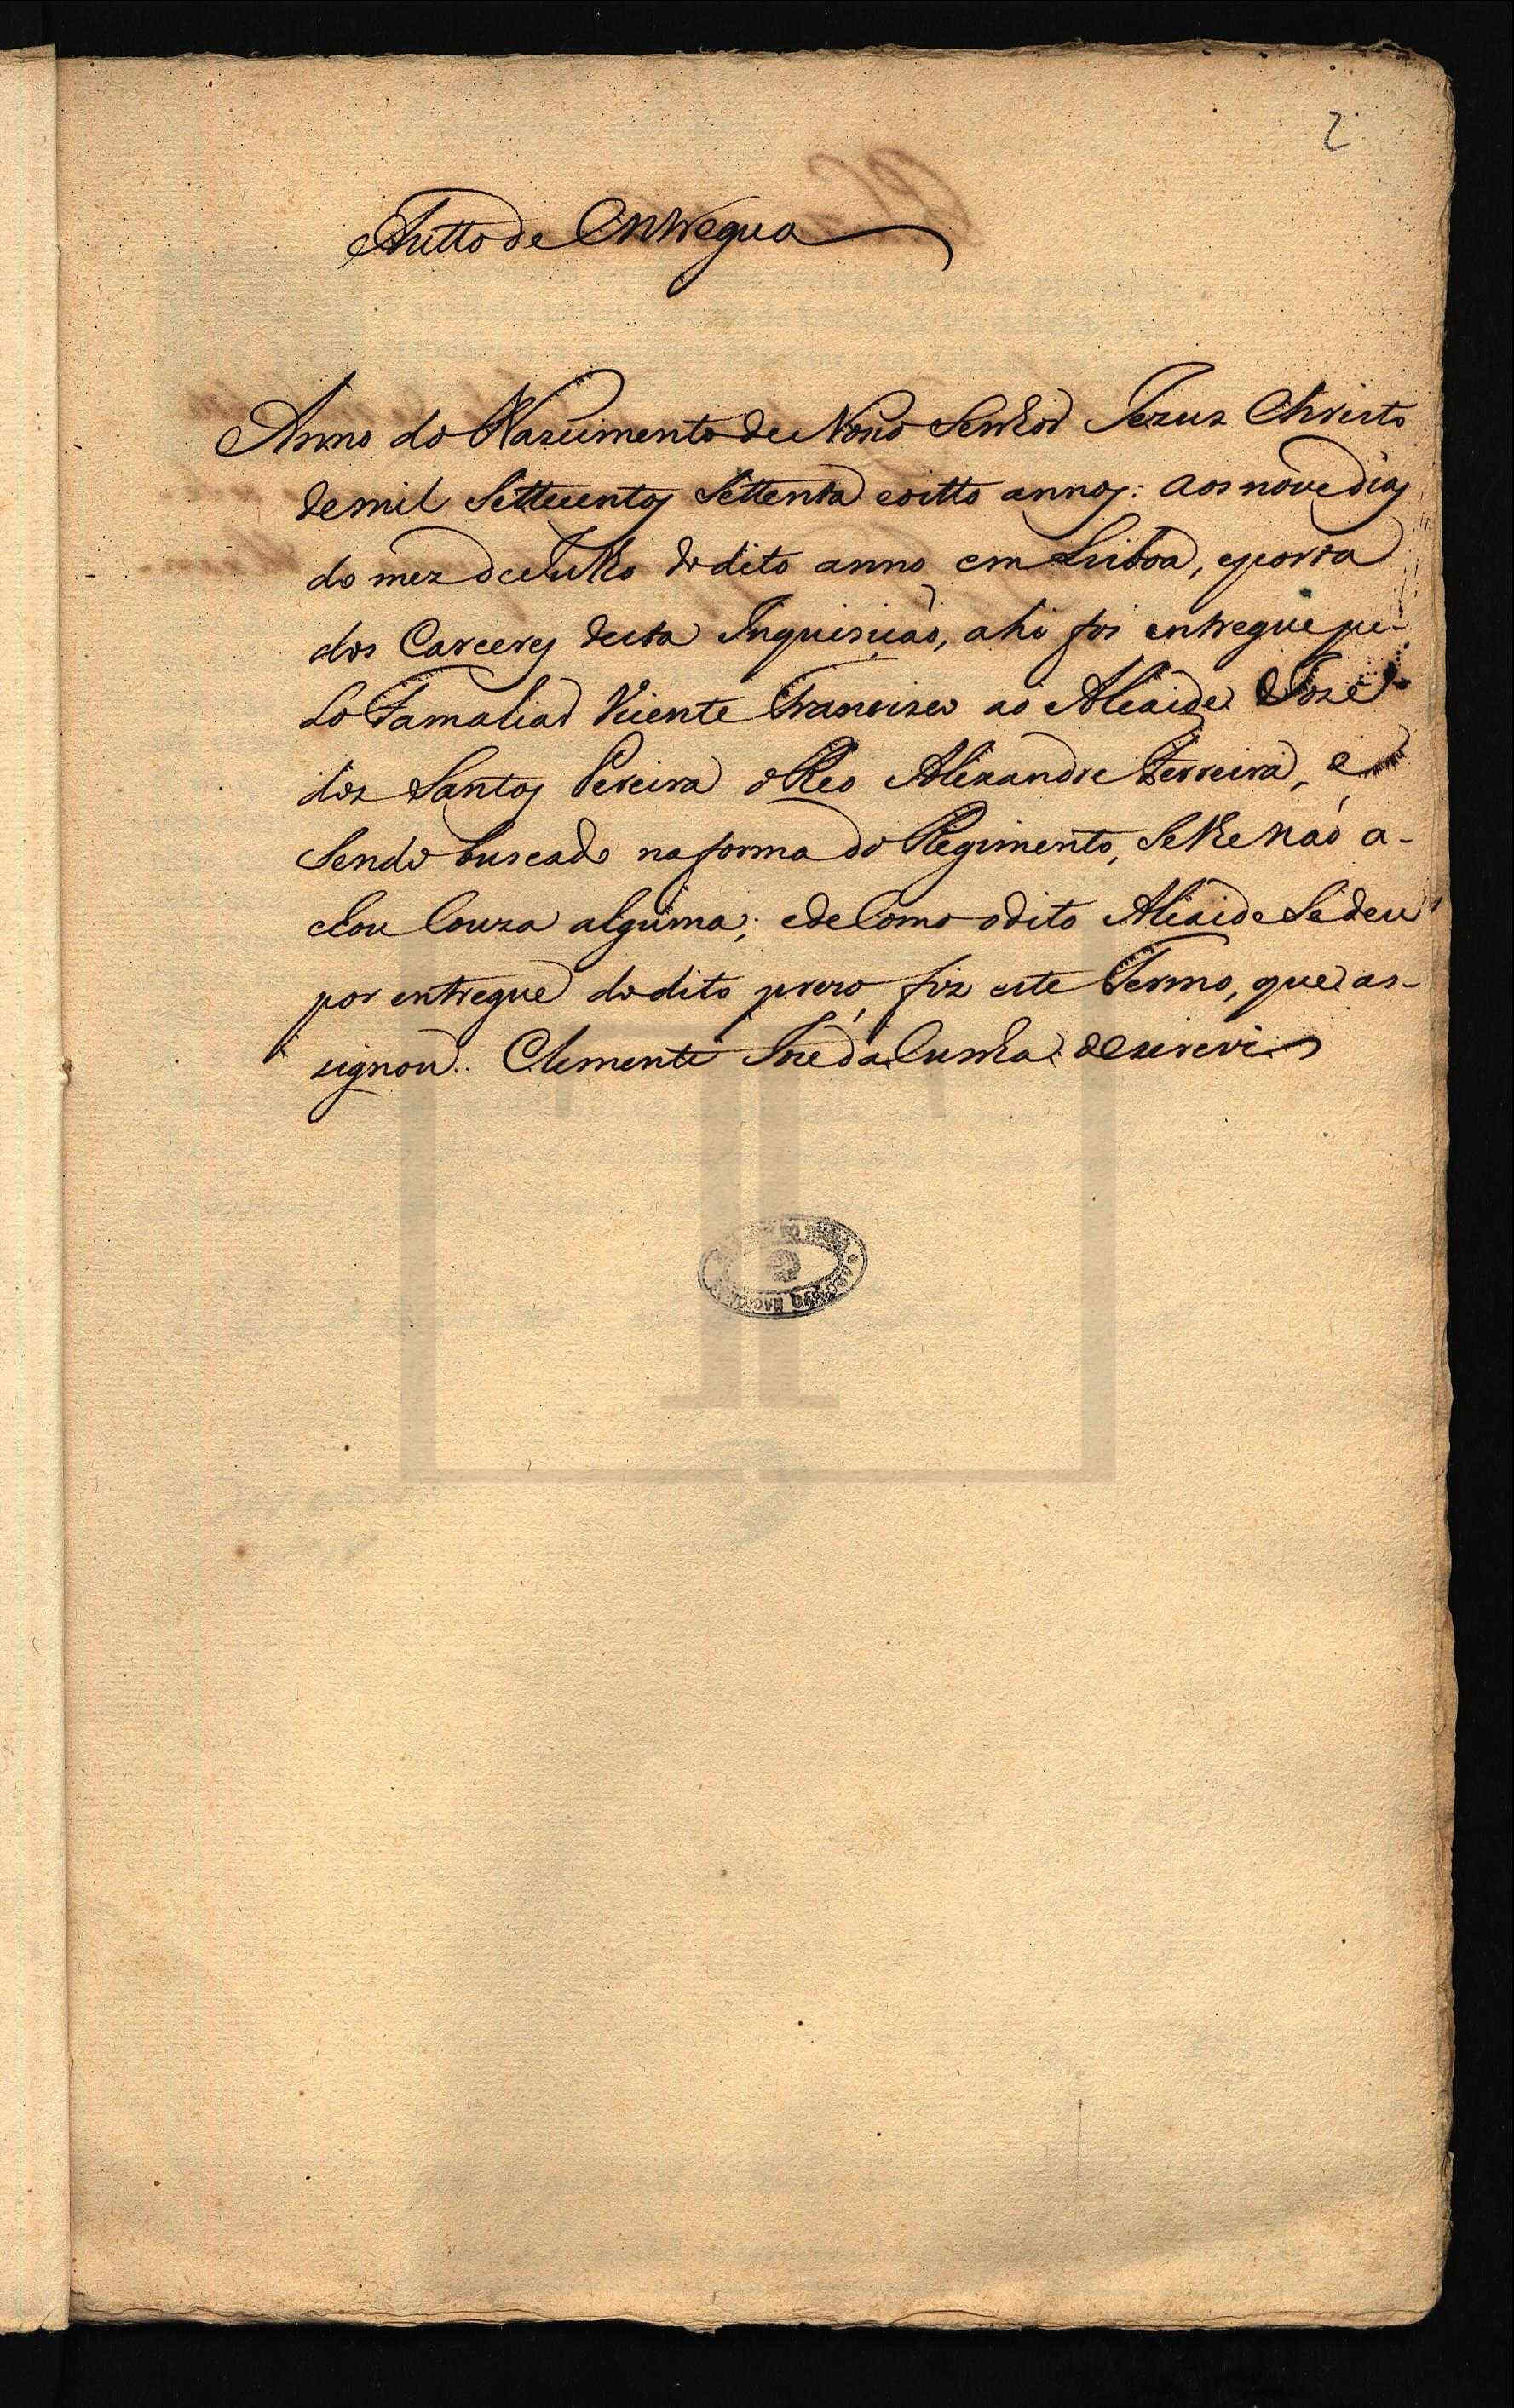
Autto de Entregua
Anno do Nascimento de Nosso Senhor Iezuz Christo
de mil Settecentos Settenta e oitto annos: aos nove dias
do mez de Iulho do dito anno em Lisboa, e porta
dos Carceres desta Inquisiçaõ, ahi foi entregue pe
lo Famaliar Vicente Francisco ao Alcaide Iozé
dos Santos Pereira o Reo Alexandre Ferreira, e
Sendo buscado na forma do Regimento, Se lhe não a
chou Couza alguma; e de Como o dito Alcaide Se deu
por entregue do dito prezo fiz este Termo, que as
signou. Clemente Iozé da Cunha o escrevi
